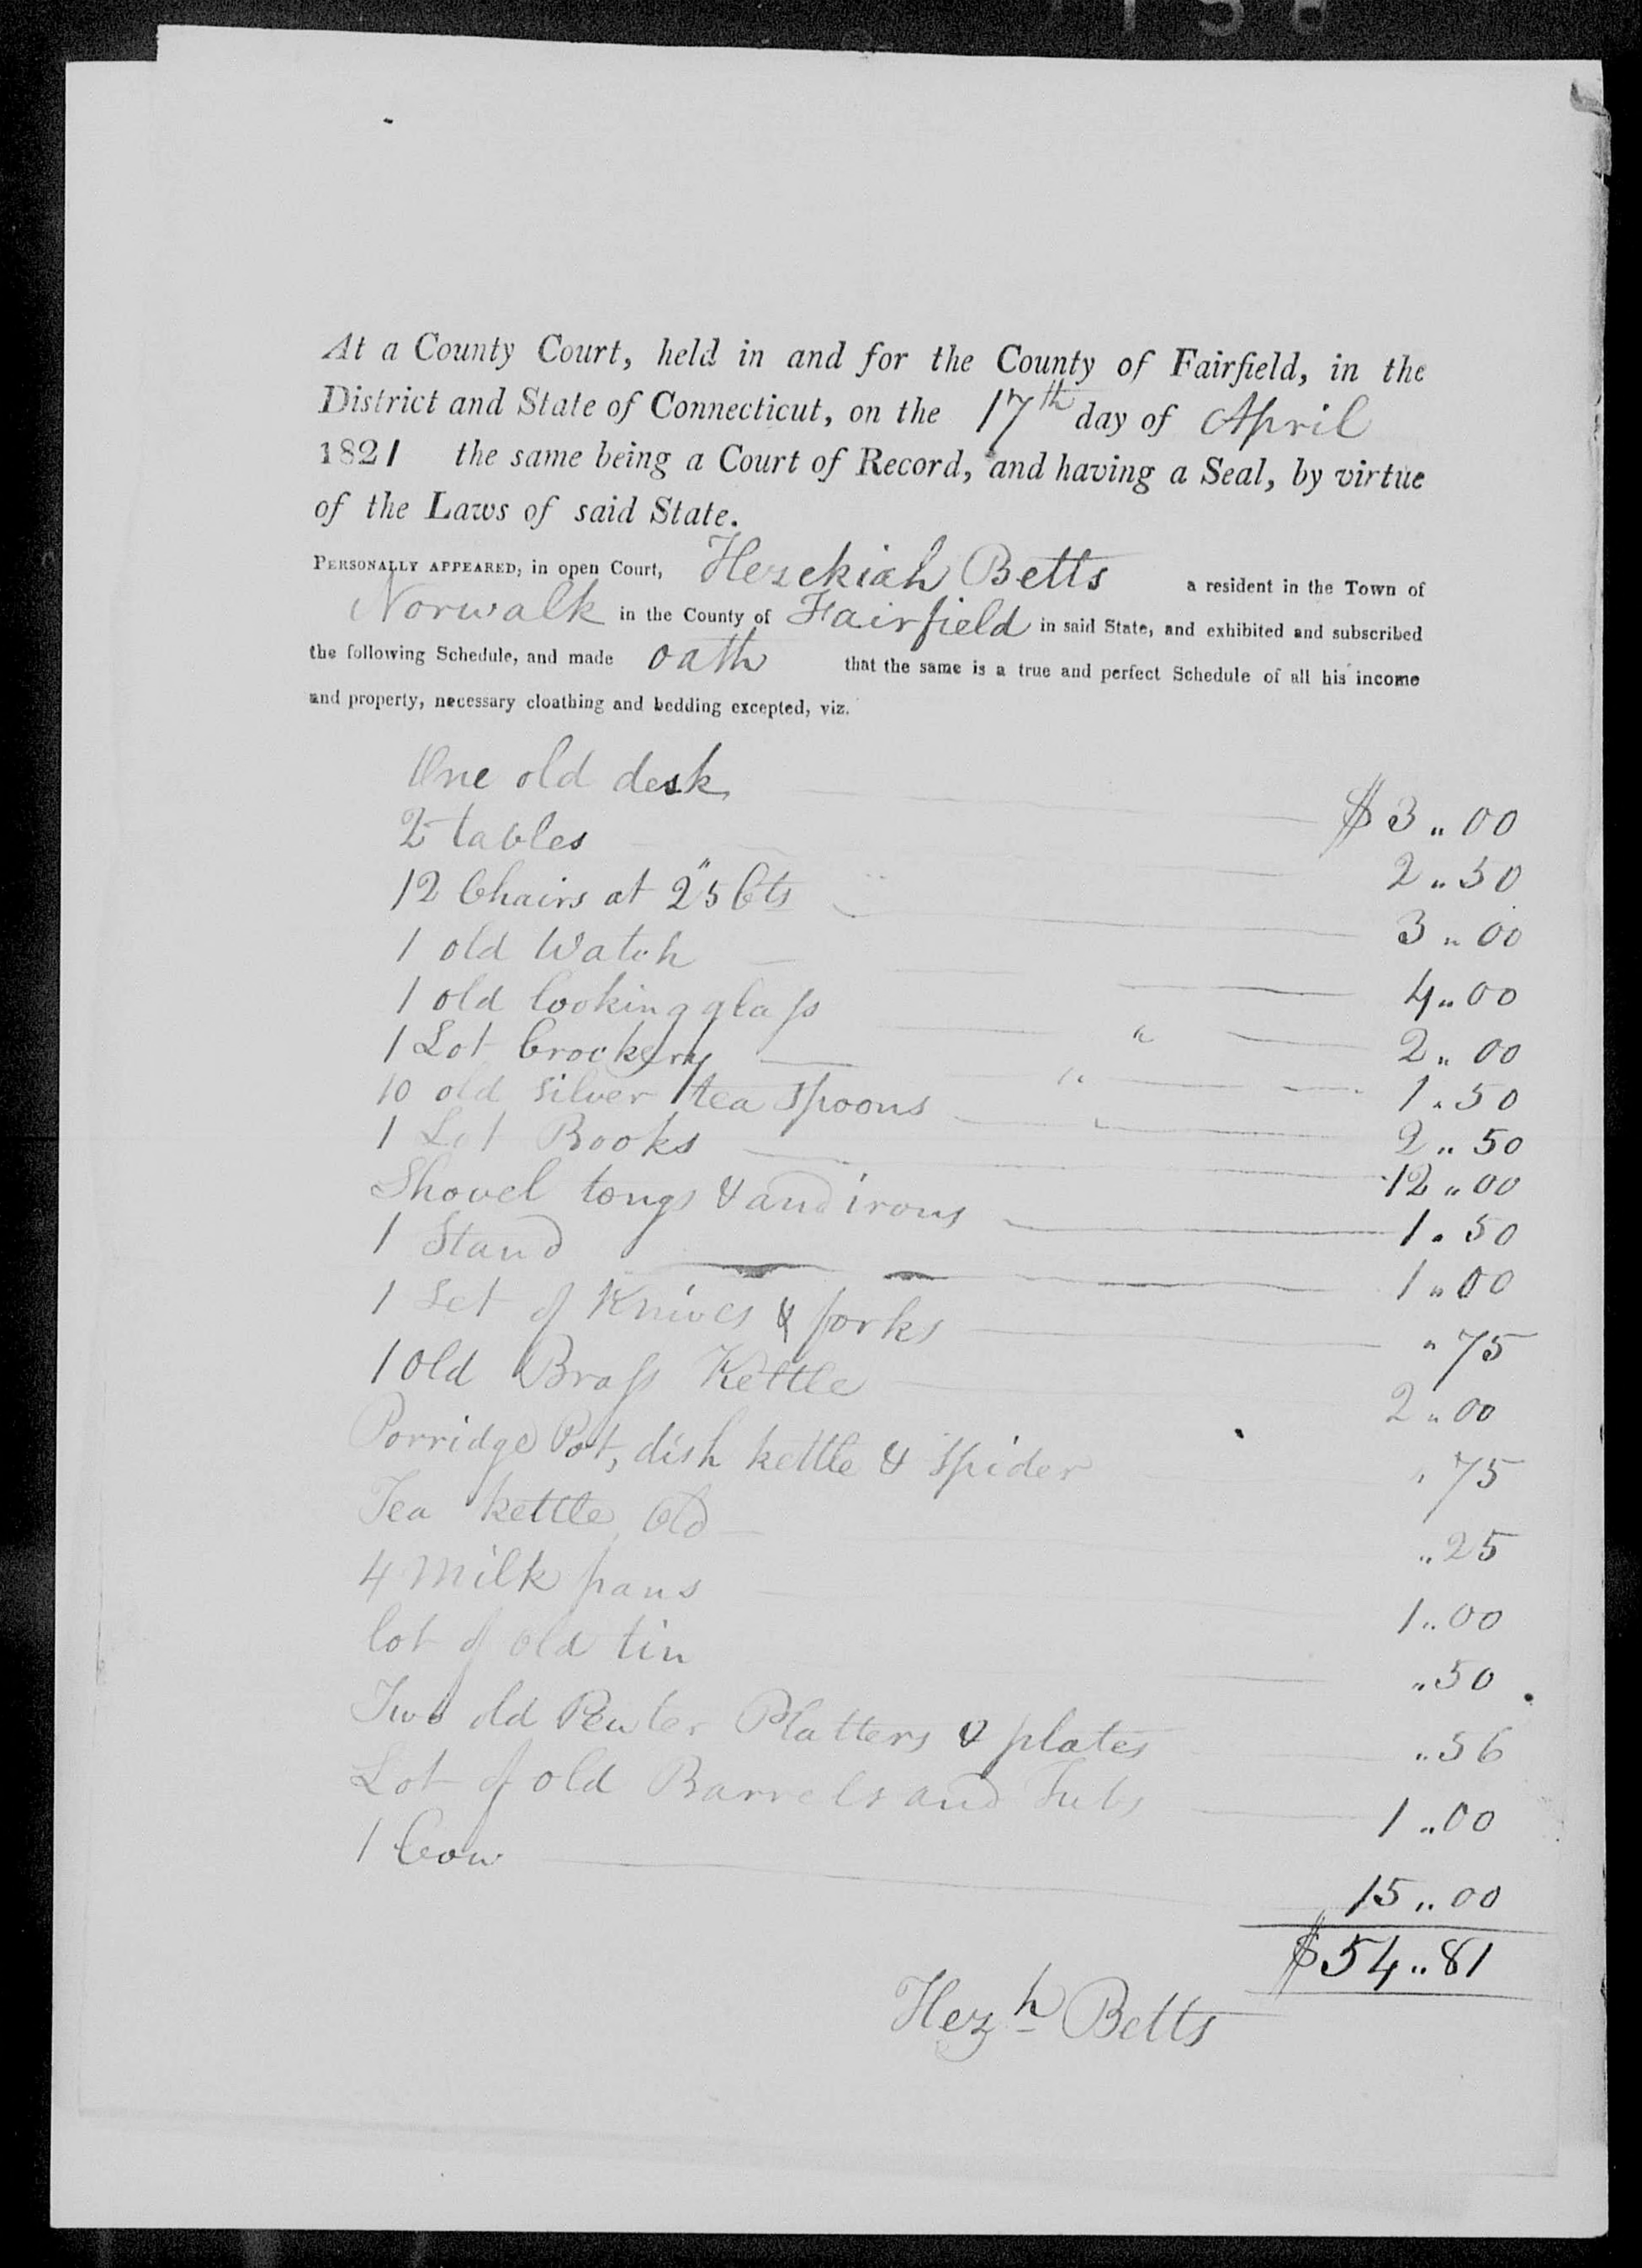At a County Court, held in and for the County of Fairfield, in the District and State of Connecticut, on the 17th day of April 1821 the same being a Court of Record, and having a Seal by virtue of the Laws of said State. 
Personally appeared in Court, Hezekiah Betts, a resident in the Town of Norwalk in the County of Fairfield in said State, and exhibited and subscribed the following Schedule, and made oath that the same is a true and perfect Schedule of all his income and property, necessary cloathing and bedding expected, viz. 

One old Desk Clock.                           $3.00
2 tables                                                $2.50
12 Chairs at 25 bts                              $3.00
1 old Watch                                          $4.00
1 old looking glass                              $2.00
1 Lot Crockery.                                    $1.50
10 old Silver teaspoons                     $2. 50
1 Lot Books                                          $2.50
Shovel tongs and Irons                      $1.50
1 Stand                                                 $1.00
1 set of Knives & Forks                       $0.75
1 Old Brass Kettle                                $2.00
Porridge Pot, dish kettle & Spider    $0.75
Tea Kettle Old                                      $0.25
4 Milk Pans                                          $1.00
lot of old Tin                                         $0.50
Two old Pewter Platters & Plates      $0.56
Lot of Old Barrels and Tubs               $1.00
1 Cow                                                   $15.00
                                                 Total= $54.81
Hezh Betts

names: Hezekiah Betts, Hezh Betts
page: 7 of 61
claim: widow's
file: W. 29,929, Hezekiah Betts, Conn.